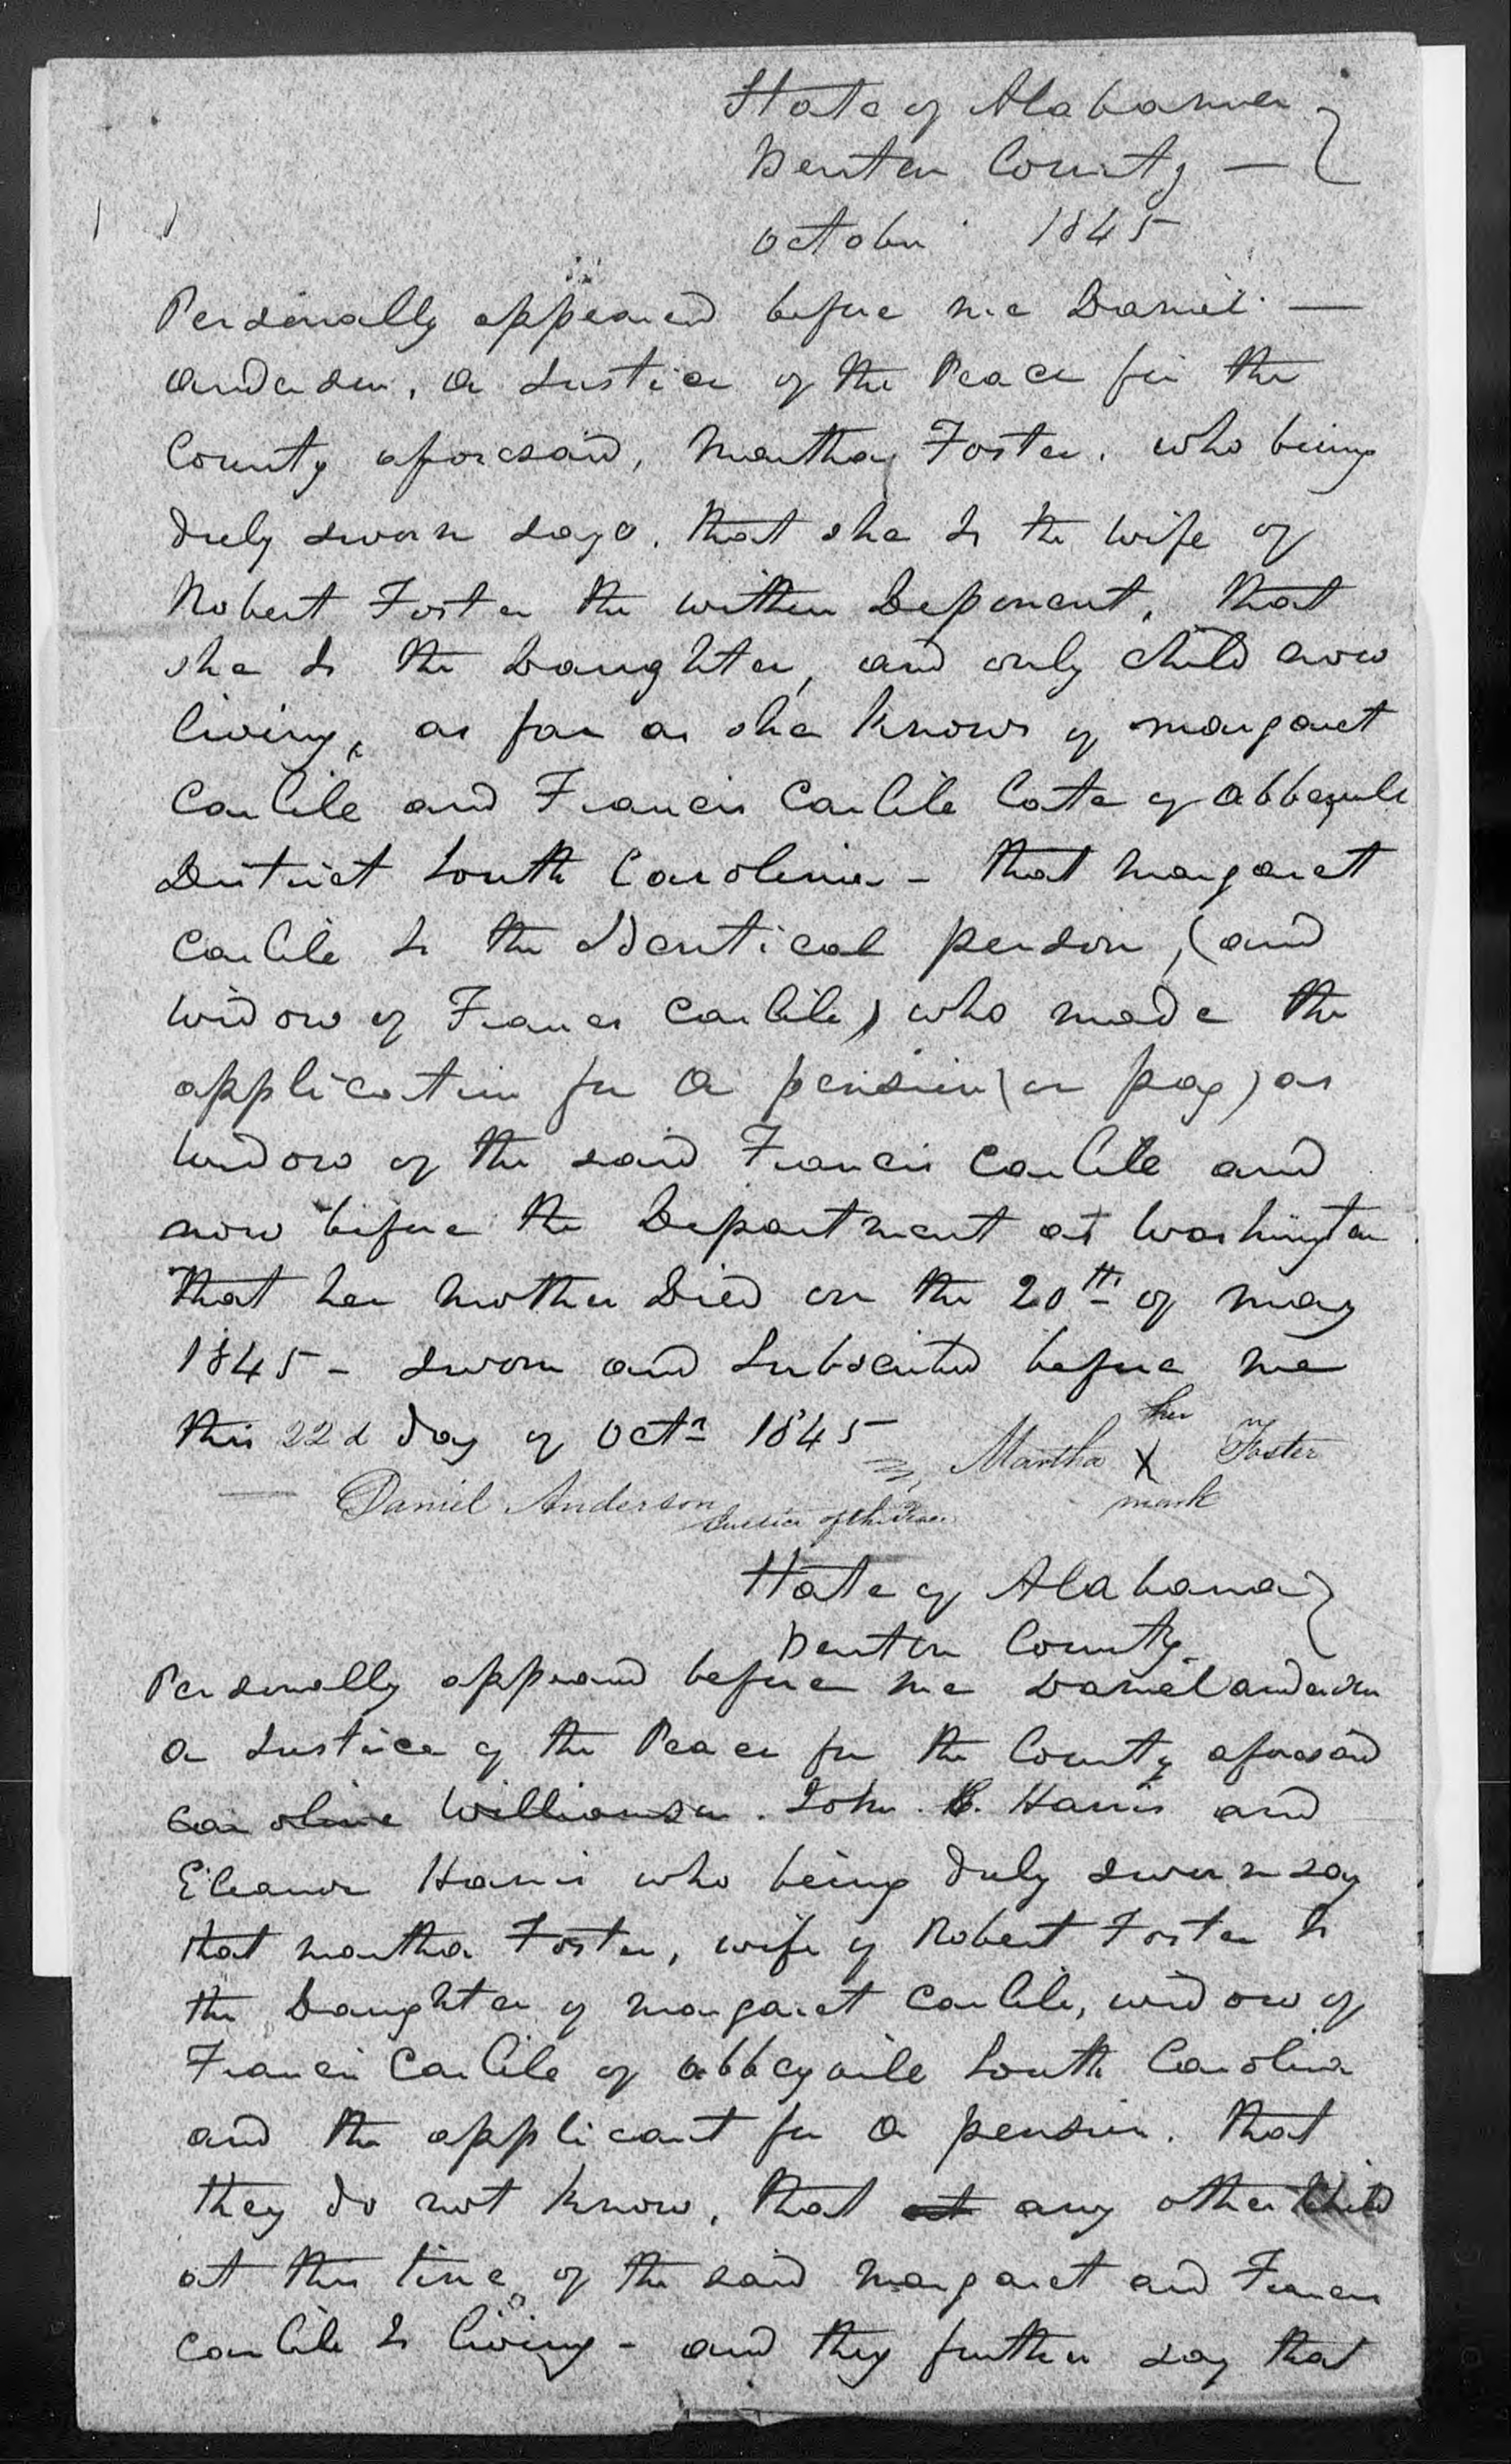State of Alabama
Benton County
October 1845
Personally appeared before me Daniel Anderson a Justice of the Peace for the County aforesaid, Martha Foster who being duly sworn says that she is the wife of Robert Foster the within deponent, that she is the Daughter, and only child now living as far as she knows of Margaret Carlisle and Francis Carlisle late of Abbeville District South Carolina that Margaret Carlisle is the identical person (and widow of James Carlisle) who made the application in for a pension (or pay) as widow of the said Francis Carlisle and now before the Department at Washington that her mother died on the 20th of May 1845 - Sworn and subscribed before me this 22d day of Octr 1845
[signed] Martha X Foster her mark
Daniel Anderson Justice of the Peace

State of Alabama 
Benton County
Personally appeared before me Daniel Anderson a Justice of the Peace for the County aforesaid
Caroline Williamson John C. Harris and Eleanor Harris who being duly sworn say Martha Foster, wife of Robert Foster the Daughter of Margaret Carlisle, widow of Francis Carlisle of Abbeville South Carolina and the applicant for a pension that they do not know, that at any other child at the time of the said Margaret and Francis Carlisle is living-- and they further say that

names: Margaret Carlile, Martha Foster, Robert Foster, Francis Carlile, Francis Carlile, Francis Carlile, Daniel Andersen, Daniel Anderson, Eleanor Harris, Francis Carlile, Martha Foster, Margaret Carlile, Martha Foster, Robert Foster, John C Harris, Francis Carlile, Margaret Carlile, Margaret Carlile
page: 40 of 91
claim: widow's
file: W. 10576, Francis Carlisle, S.C.